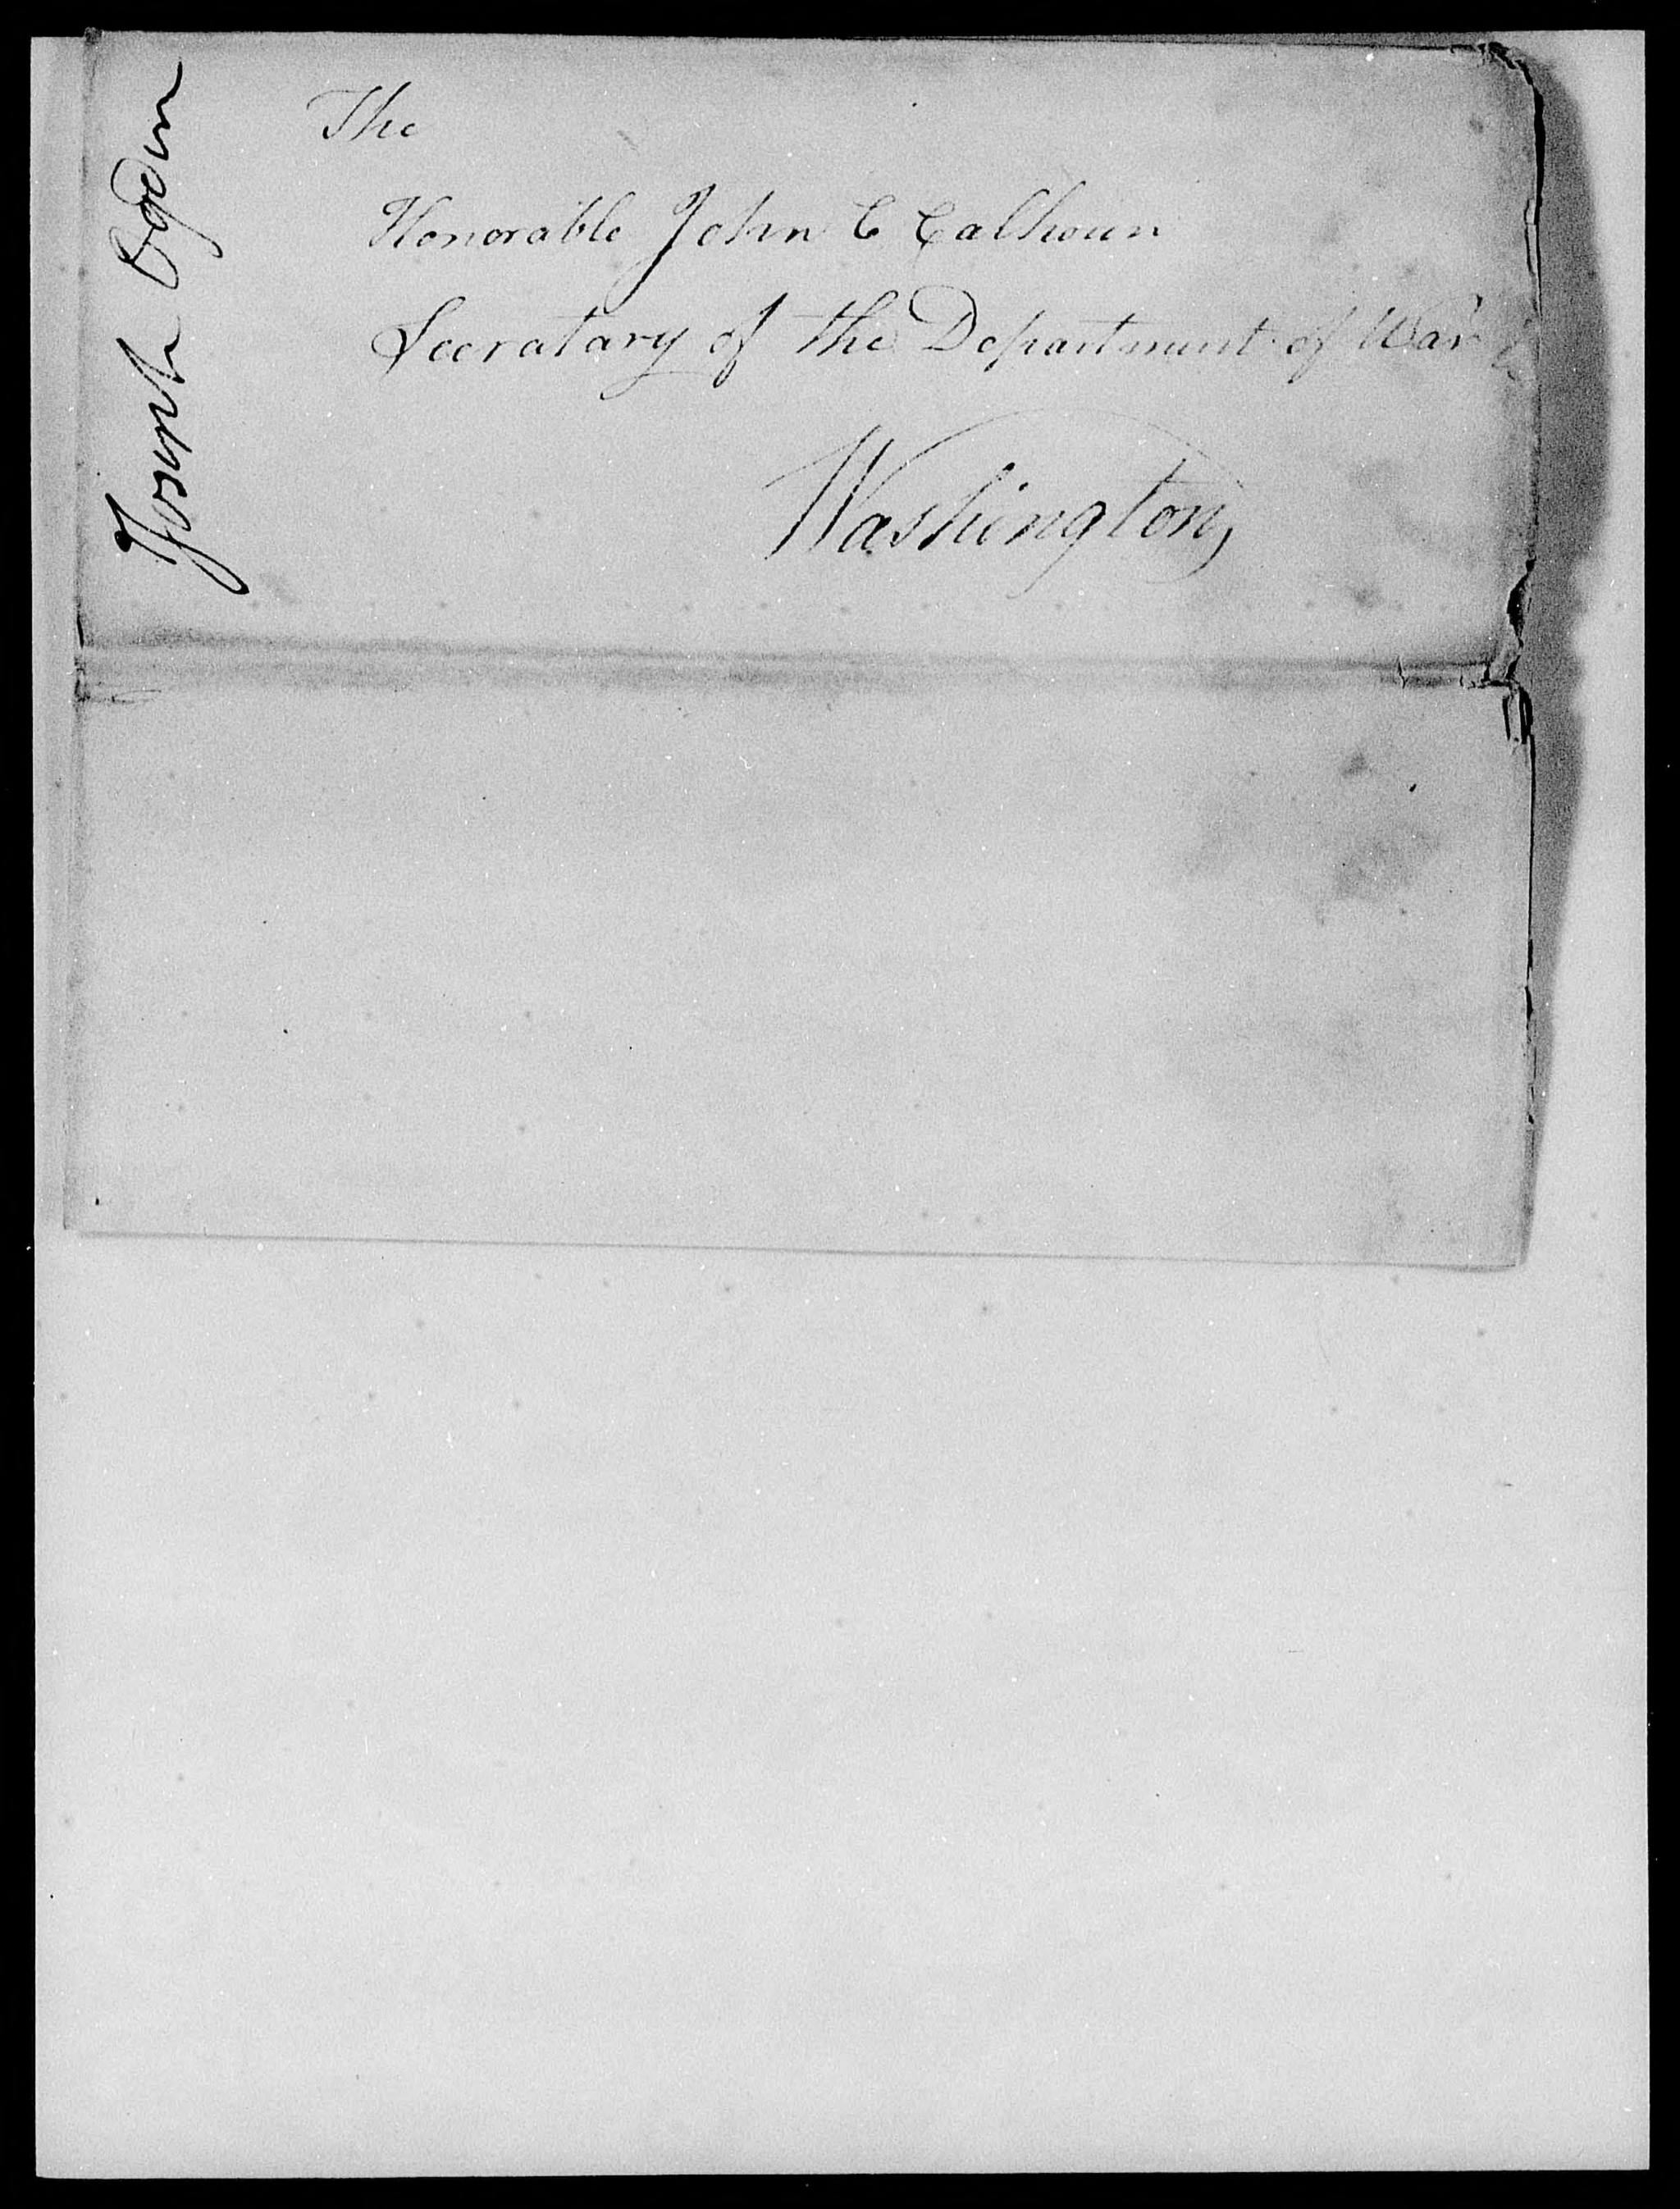Joseph Ogden
The 
Honorable John C Calhoun
Secretary of the Department of War
Washington,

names: John C Calhoun; Joseph Ogden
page: 14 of 15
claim: survivor's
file: S. 38,277, for Joseph Ogden, Connecticut